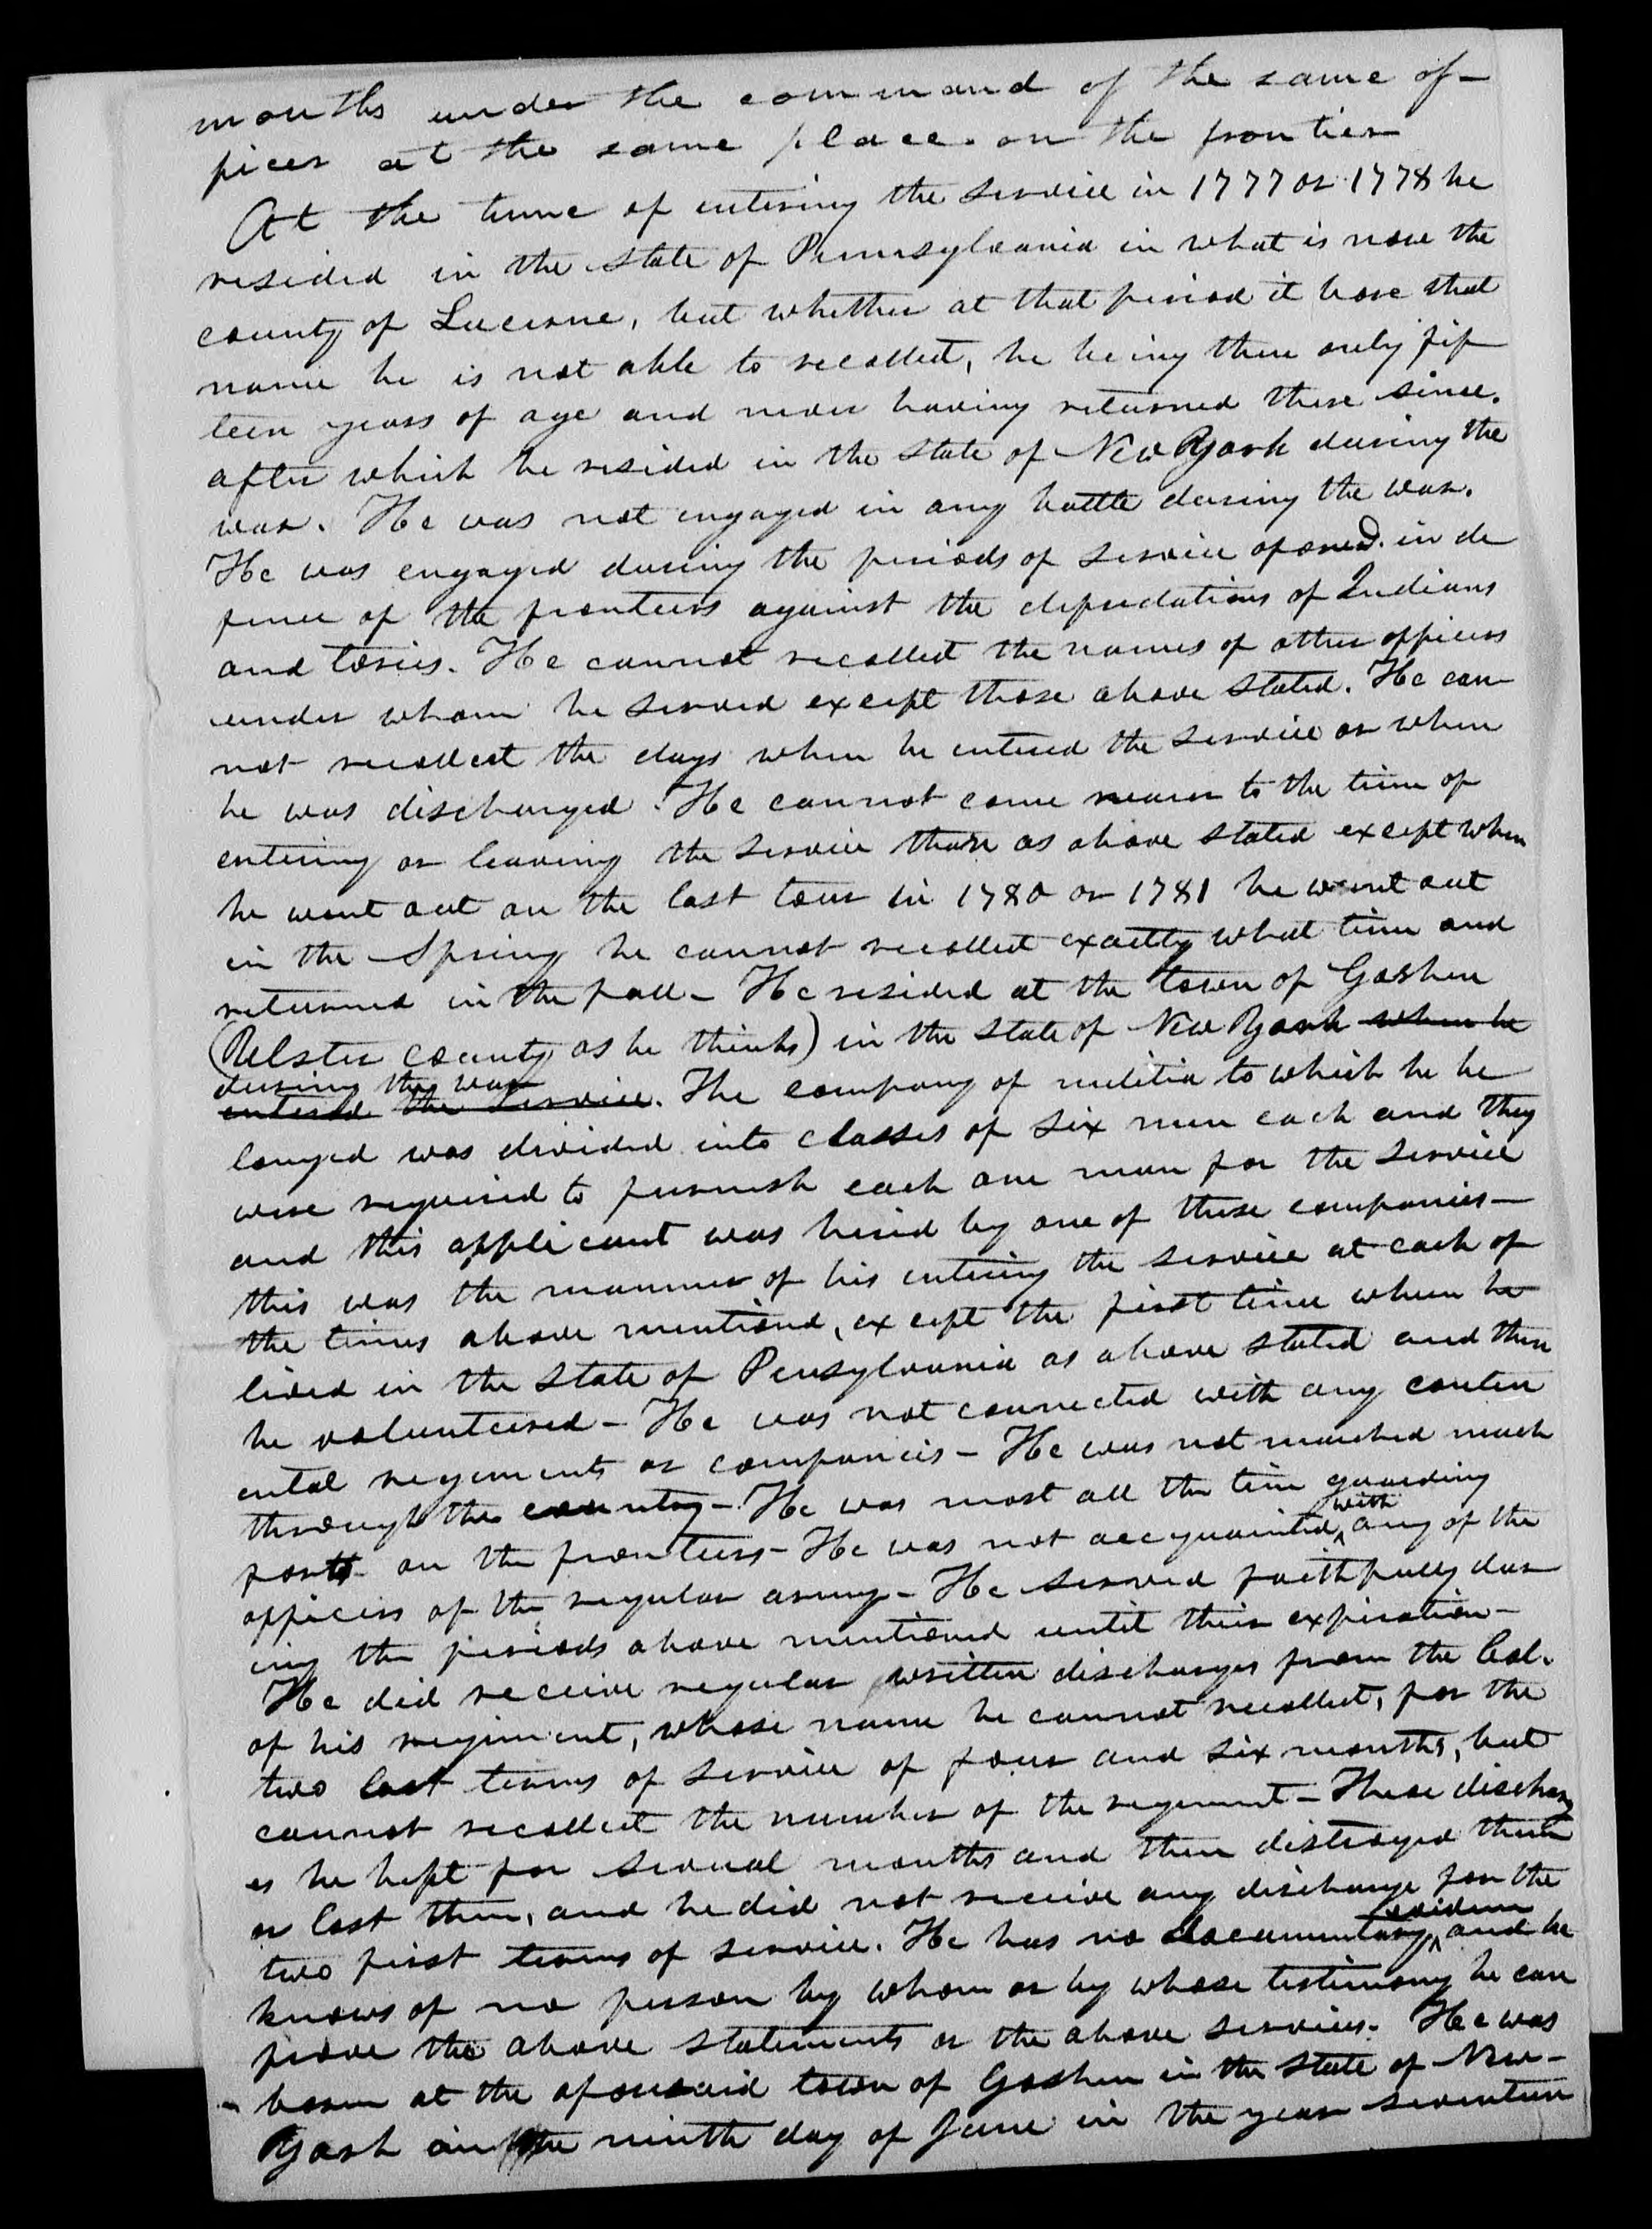months under the command of the same 
officer at the same place on the frontiers.
At the time of entering the service in 1777 or 1778 he resided in the State of Pennsylvania in what is now the County of Lucerne, [Luzerne] but whether at that period it bore that name he is not able to recollect, he being then only fifteen years of age and never having returned there since.  After which he resided in the State of New York during the war. He was not engaged in any battle during the war.
He was engaged during the periods of service appended in defence of the frontiers against the depredations of Indians and Tories. He cannot recalled the names of other officers
under whom he served except those above stated. He cannot recollect the days when he entered the service or when he was discharged. He cannot come near to the time of entering or leaving the service than as above stated except when he went out on the last tour in 1780 or 1781.  He went out
in the Spring he cannot recollect exactly what time and returned in the fall. He resided at the town of Goshen (Ulster County as he thinks) in the State of New York during the war.  The company of militia to which he belonged
was divided into classes of six men each and they were required to furnish each one man for the service and this applicant was hired by one of these companies.  This was the manner of his entering the service at each of the times above mentioned, except the first time when he lived in the State of Pennsylvania as above stated and then he volunteered. He was not connected with any continental regiments or companies-- He was not marched much
through the country. He was most all the time guarding posts on the frontiers. He was not acquainted any of the officers of the regular army. He served faithfully during the periods above mentioned until their expiration.  He
did receive regular written discharges from the Col. of his regiment, whose name he cannot recollect, for the two last terms of service of four and six months, but cannot recollect the number of the regiment. These discharges
he kept for several months and then destroyed them or lost them, and he did not receive any discharge the two first terms of service. He has no documentary evidence and he knows of no person by whom or by whose testimony he can
prove the above statements or the above services. He was born at the aforesaid town of Goshen in the State of New York on the ninth day of June in the year seventeen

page: 5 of 10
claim: survivor's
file: S. 2295, for Benjamin Jones, New York